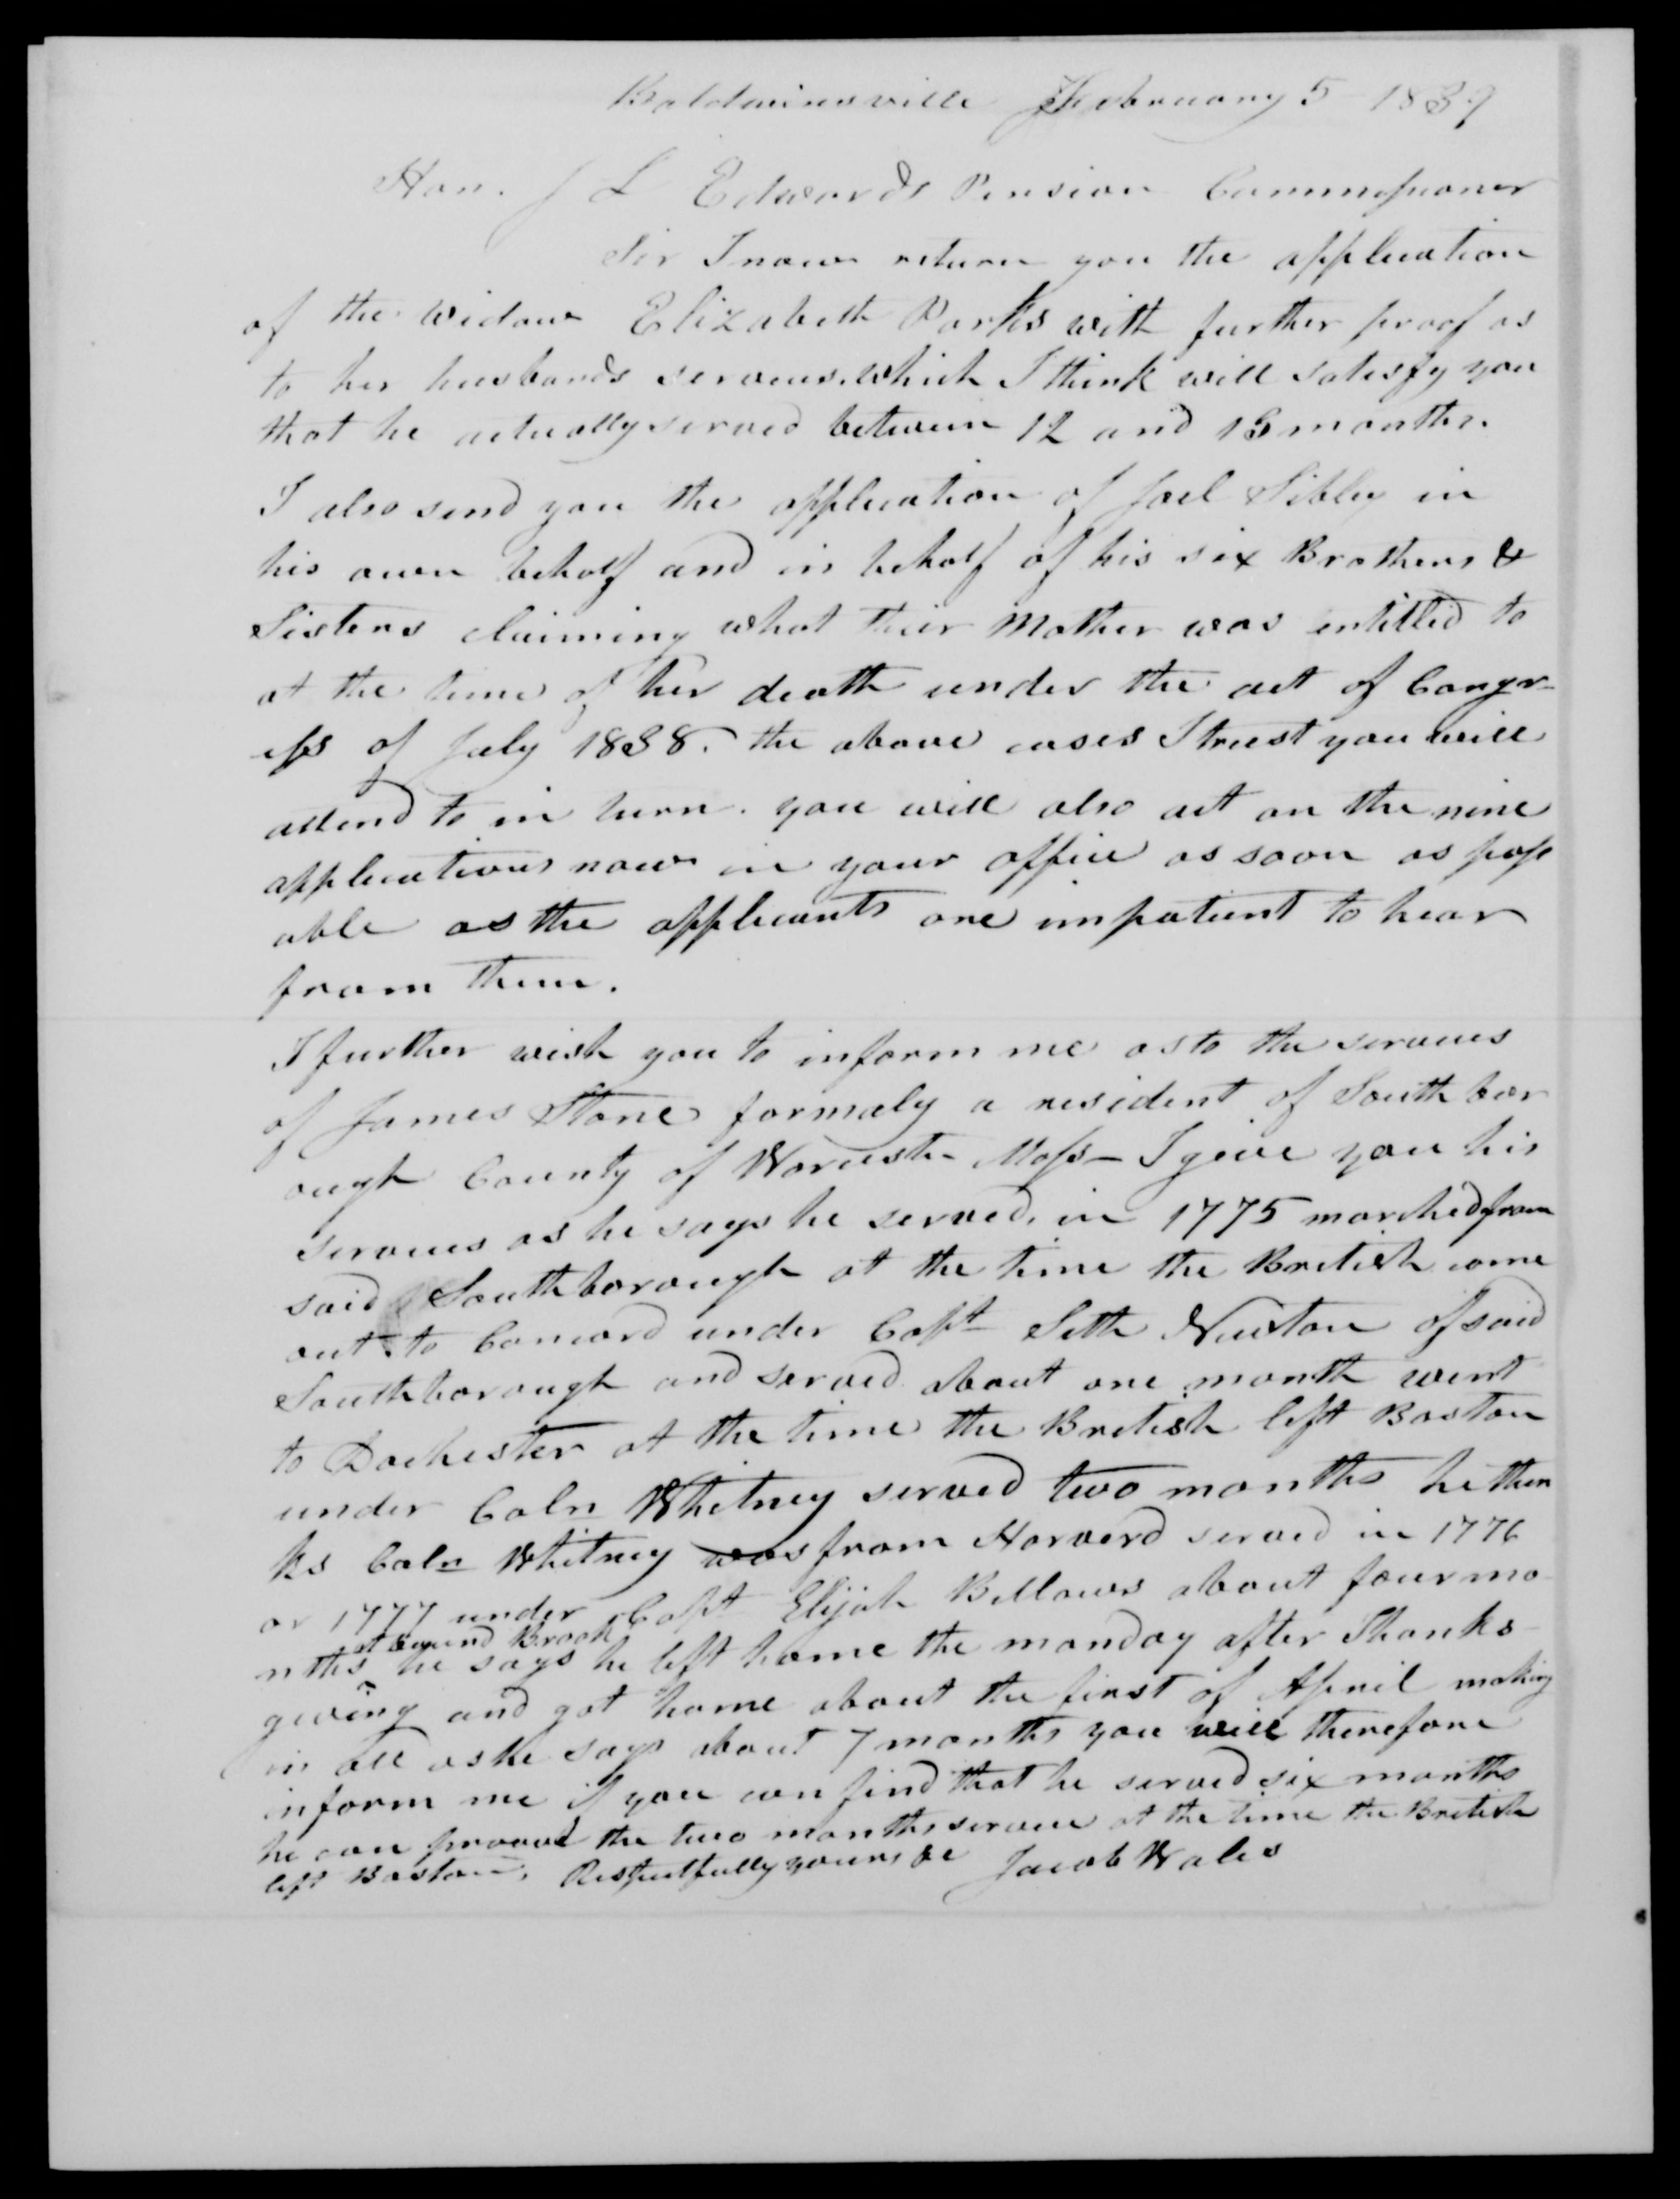Baldwinsville February 5, 1839
Hon J L Edwards Pension Commissioner 
Sir I now return you the application of the widow Elizabeth Parks with further proof as to her husbands services, which I think will satisfy you that he actually served between 12 and 15 months I also send you the application of Joel Sibley in his own behalf and in behalf of this six brothers & sisters claiming what their mother was entitled to at the time of her death under the act of Congress of July 1838. the above cases I thrust you will attend to in turn. you will also act on the nine applications now in your office as soon as possible as the applicants are impatient to hear from them.
I further wish you to inform me as to the services of James Stone formerly a resident of Southborough County of Worcester, Mass - I give you his services as he says he served in 1775 marched from said Southborough at the time the British came out to Concord under Capt Seth Newton of said  Southborough and served about one month went to Dorchester at the time the British left Boston under Coln Whitney served two months he thinks Coln Whitney was from Harvard served in 1776 or 1777 under Capt Elijah Billows about four months at [illegible] Brook he says he left home the Monday after Thanksgiving and got home about the first of April making in all as he says about 7 months you will therefore inform me if you can find that he served six months he can[illegible] the two months service at the time the British left Boston.  Respectfully yours [illegible] Jacob Hales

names: Elijah Bellows; Seth Newton; Jacob Hales; J L Edwards; [BLANK] Whitney; [BLANK] Whitney; Elizabeth Parks; James Stone; Joel Sibley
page: 21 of 24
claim: widow's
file: W. 15,338, for William Sibley, Massachusetts